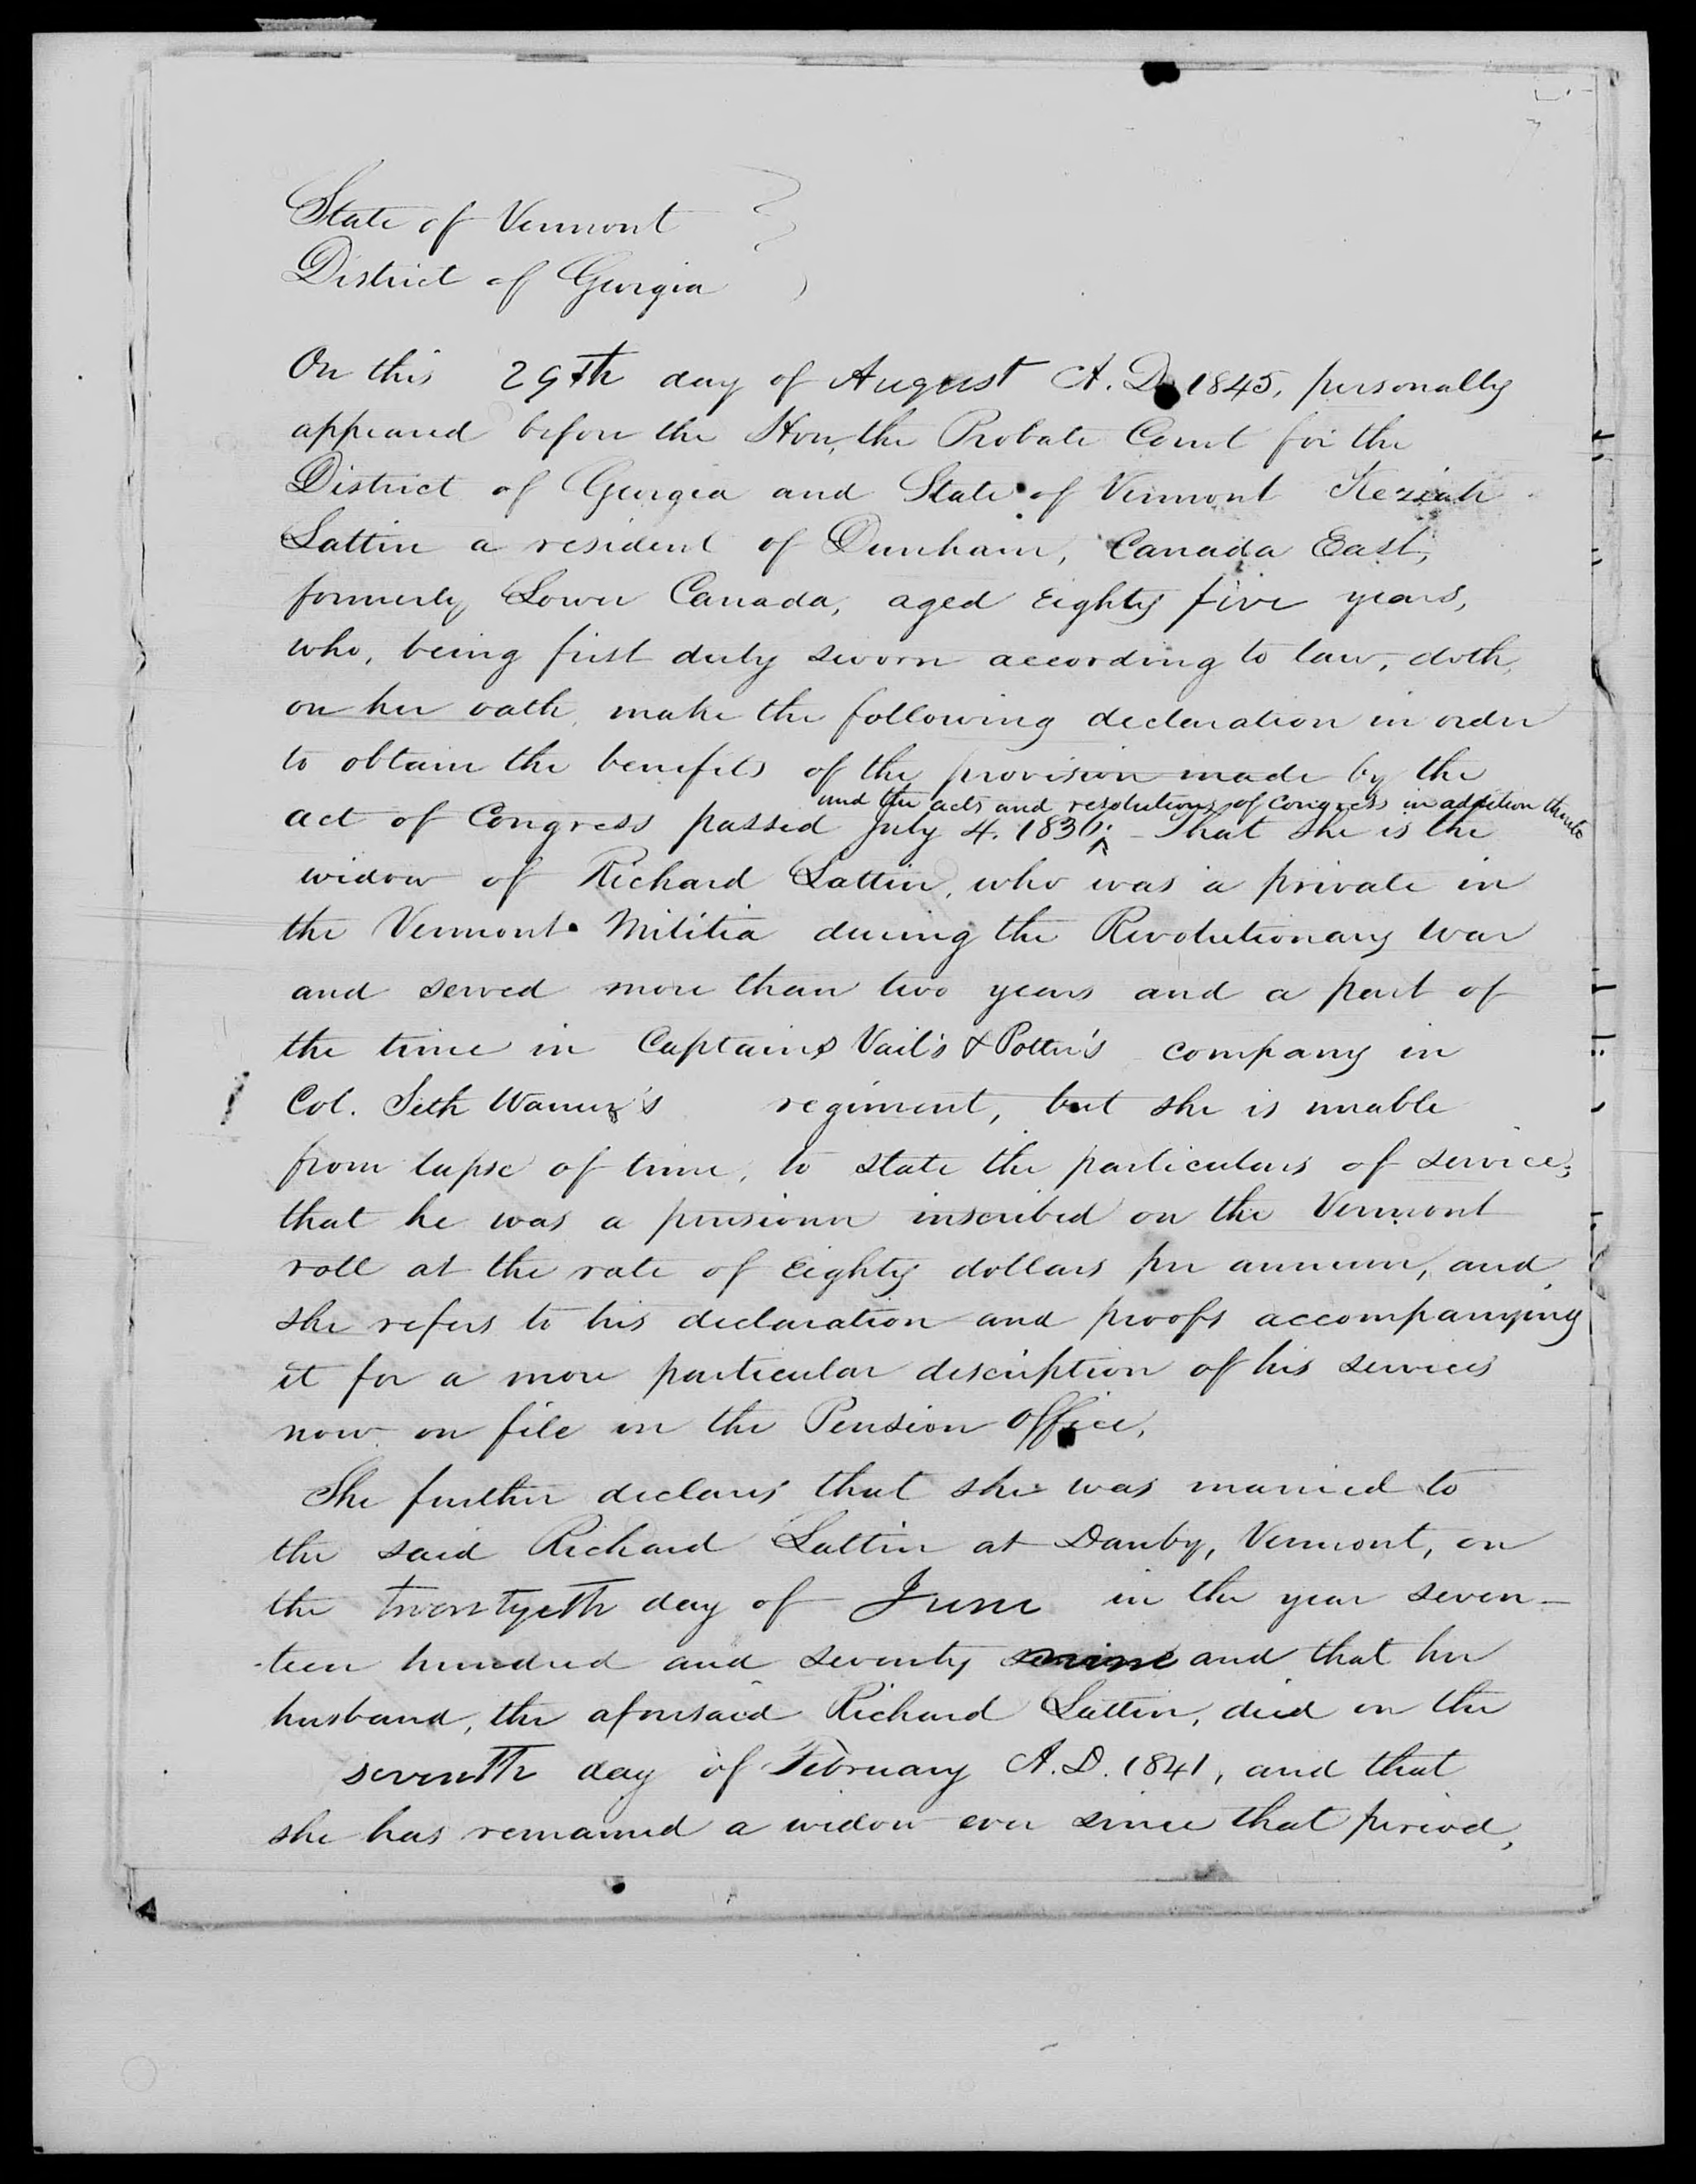State of Vermont District of Georgia ss
On this 29th day of August A.D. 1845, personally
appeared before the Hon the Probate Court for the
District of Georgia and State of Vermont Keziah
Lattin a resident of Dunham, Canada East,
formerly Lower Canada, aged Eighty five years,
who, being first duly sworn according to law, doth,
on her oath, make the following declaration in order
to obtain the benefits of the provision made by the
and the acts and resolutions of Congress in addition the
act of Congress passed July 4, 1836 and the act, and resolutions
 of Congress in addition thereto. That she is the
widow of Richard Lattin, who was a private in
the Vermont Militia during the Revolutionary war
and served more than two years and a part of
the time in Captain Vail's & Potter's company in
Col. Seth Warner's regiment, but she is unable
from lapse of time; to state the particulars of service;
that he was a pensioner inscribed on the Vermont
roll at the rate of Eighty dollars per annum, and
she refers to his declaration and proofs accompanying
it for a more particular description of his services
now on file in the Pension Office,
She further declares that she was married to
the said Richard Lattin at Danby, Vermont, on
the twentyeth day of June in the year seventeen
 hundred and seventy nine and that her
husband, the aforesaid Richard Lattin, died on the
seventh day of February A.D. 1841, and that
she has remained a widow ever since that period.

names: Keziah Lattin; Richard Lattin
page: 18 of 99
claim: widow's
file: W. 24,482, for Richard Lattin, Vermont